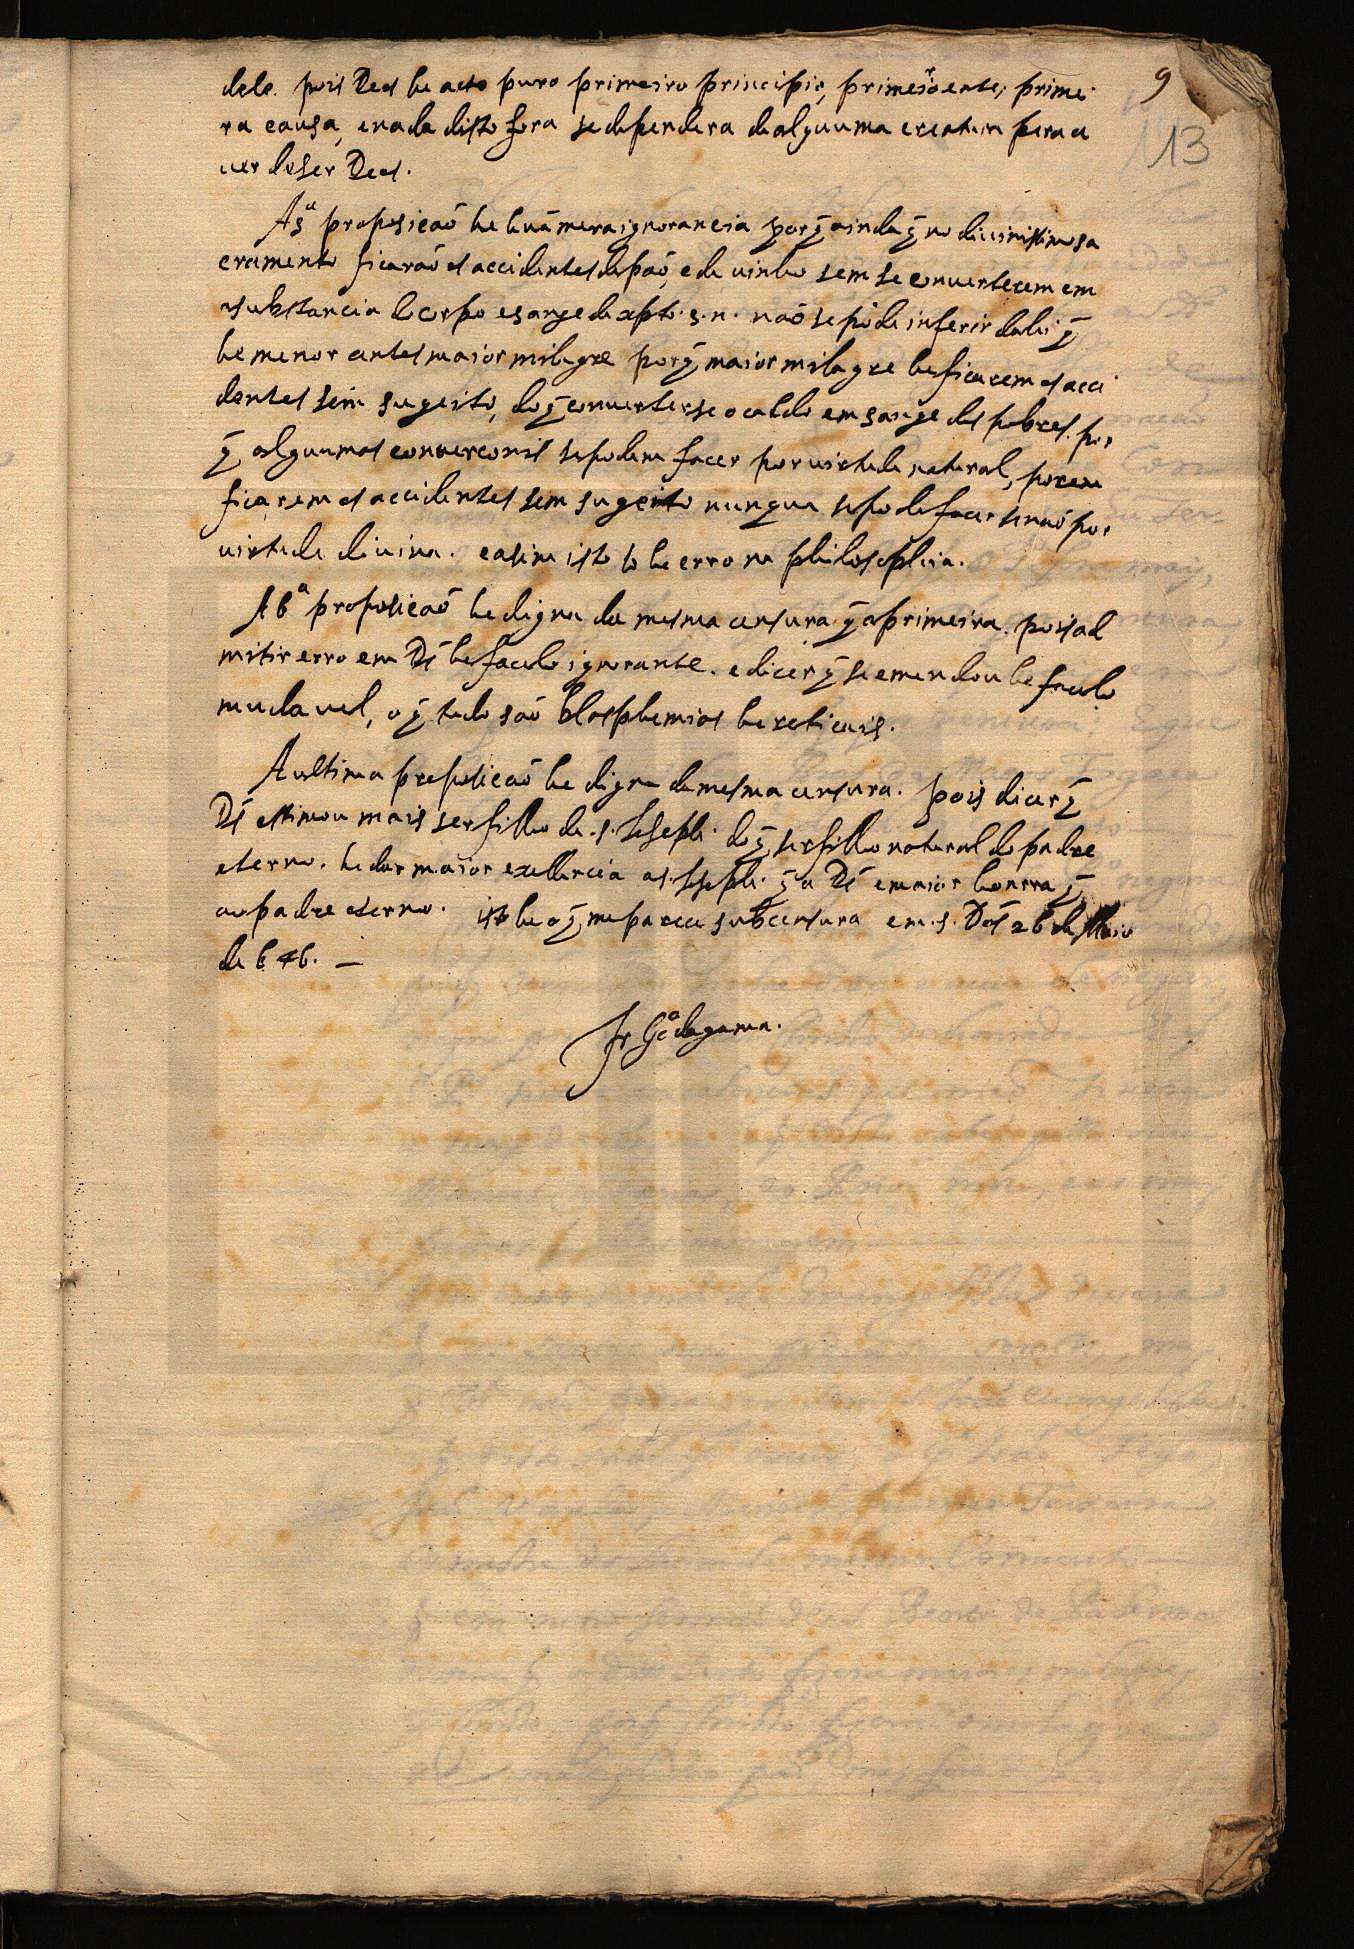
9
dele pois Deos he acto puro primeiro principio, primeiro ente; prime
ra causa, e nada disto fora se dependera de alguma creatura pera a
uer de ser Deos.
A 5a proposiçaõ he huā mera ignorancia porq̄ ainda q̄ no diuinissimo sa
cramento ficaraõ os accidentes de paõ, e de uinho sem se conuerterem em
a substancia do corpo e sange de xpto. s. n. naõ se pode inferir dahi q̄
he menor antes maior milagre porq̄ maior milagre he ficarem os acci
dentes sem sugeito, do q̄ conuerterse o caldo em sange dos pobres por
q̄ algumas conuerçonis se podem facer por uirtude natural, porem
ficarem os accidentes sem sugeito nunqua se pode facer senaõ por
uirtude diuina. e asim isto so he erro na philosophia.
A 6a proposiçaõ he digna da mesma censura q̄ a primeira pois ad
mitir erro em Ds̄ he facelo ignorante e dicer q̄ se emendou he facelo
mudauel, o q̄ tudo saõ blasphemias hereticais.
A ultima preposiçaõ he digna da mesma censura. pois dicer q̄
Ds̄ estimou mais ser filho de s. Ioseph do q̄ ser filho natural do padre
eterno. he dar maior exellencia a s. Ioseph q̄ a Ds̄ e maior honrra q̄
ao padre eterno. isto he o q̄ me para sub censura em .s. Dos̄ 26 de Maio
de 646. -
fr Gco da gama.
